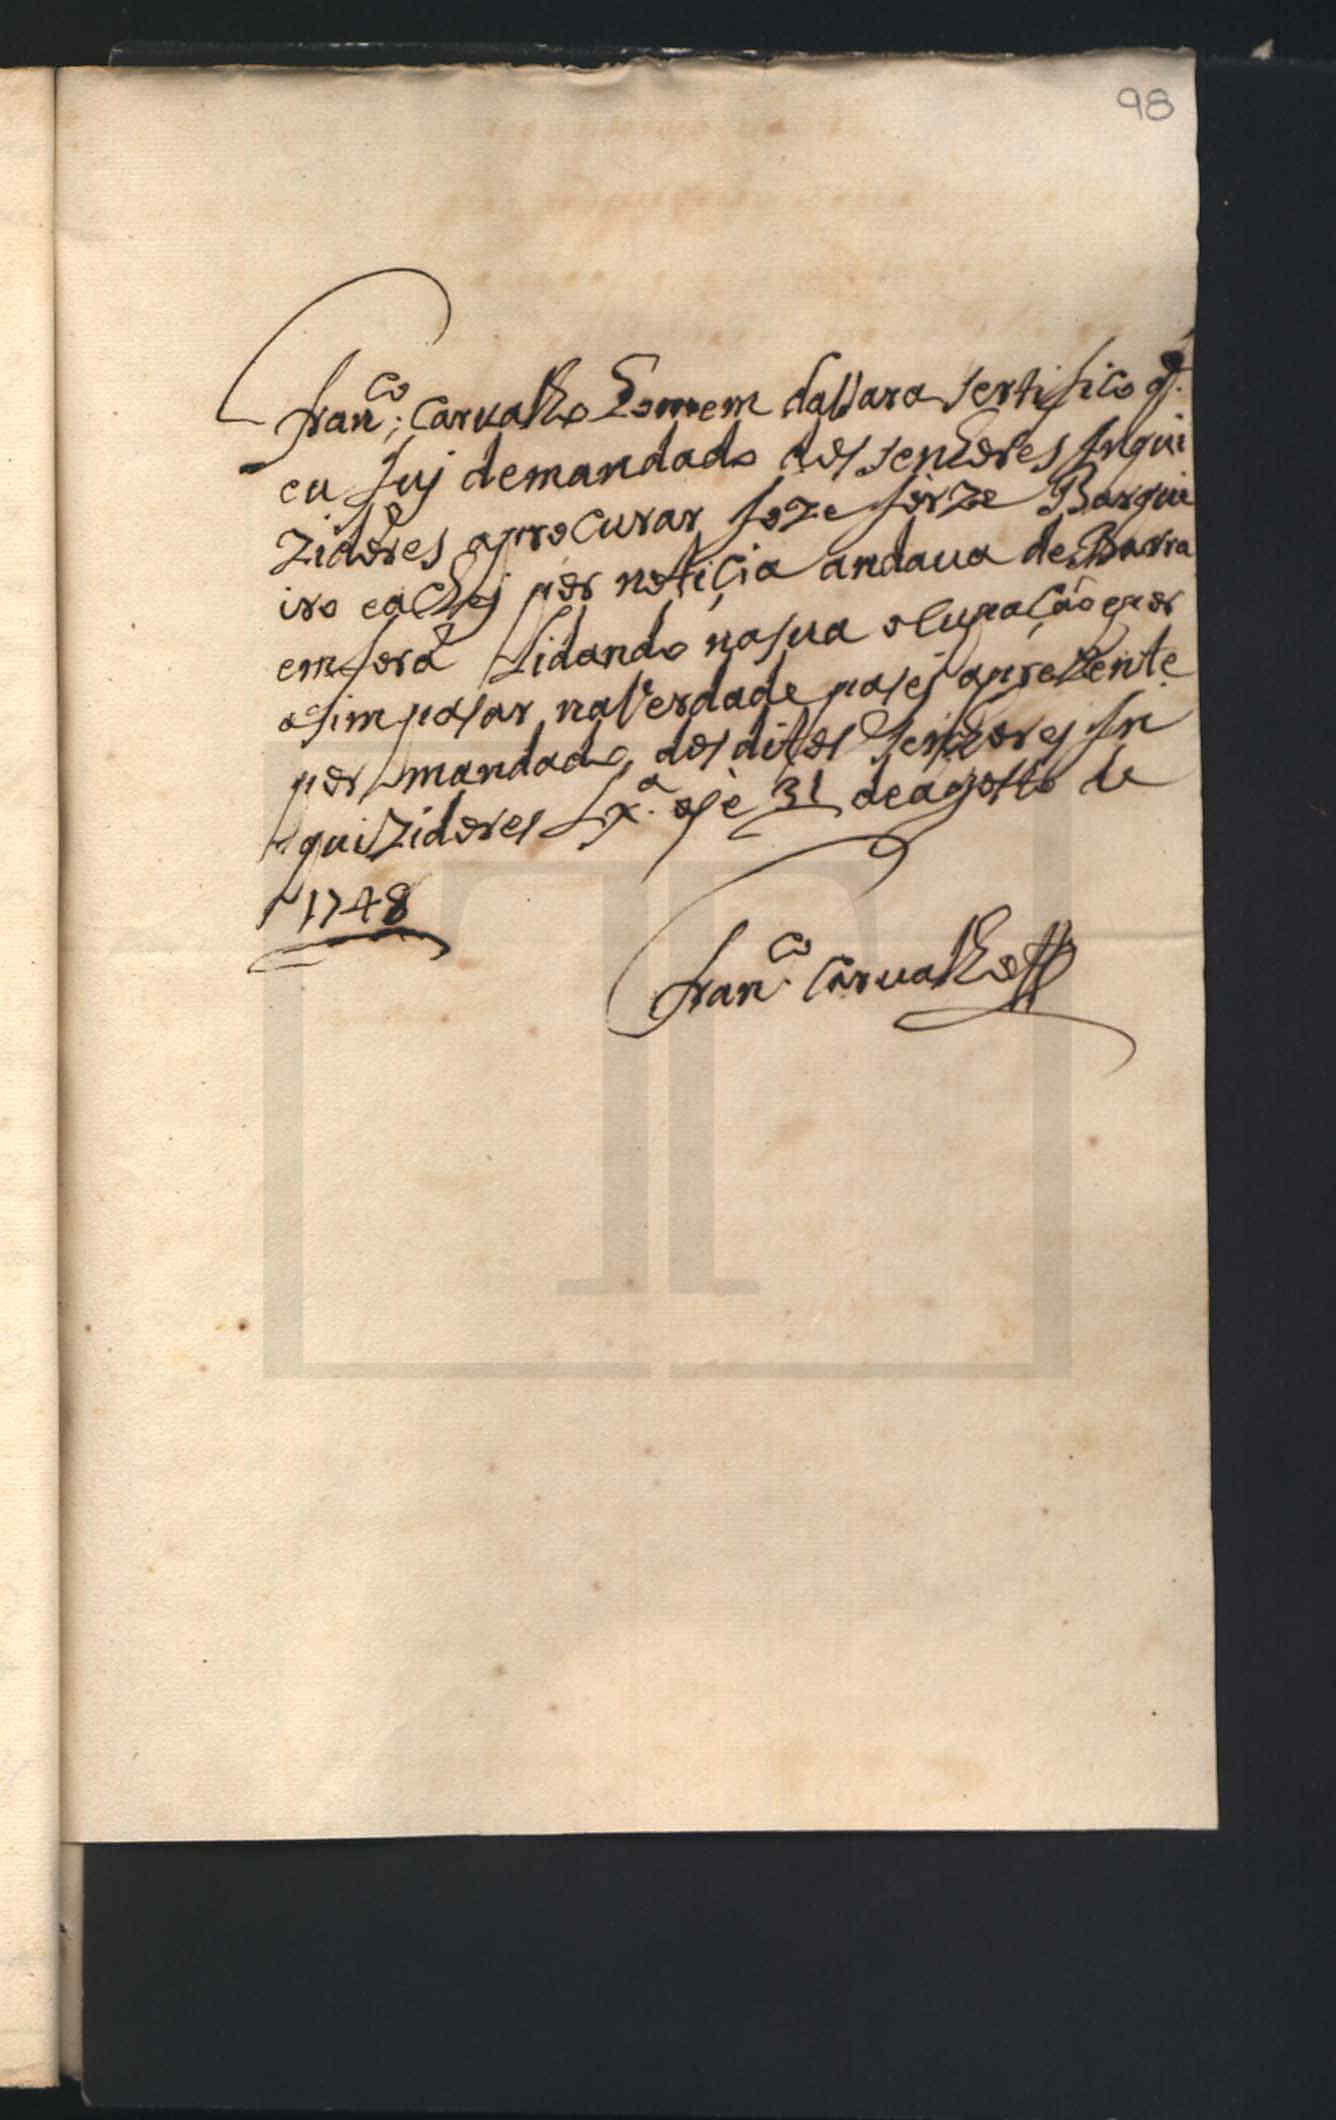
Franco carualho homem da Vara sertifico q̄
eu fuj demandado dos senhores Jnqui
zidores a procurar Joze Jorze Barque
iro, e achej por noticia andaua de Barra
em fora Lidando na sua ocupaÇaõ e por
asim pasar na Verdade pasej a prezente
por mandado, dos ditos senhores Jn
quizidores Lx.a oje 31 de agosto de
1748
Fran.co Carualho
